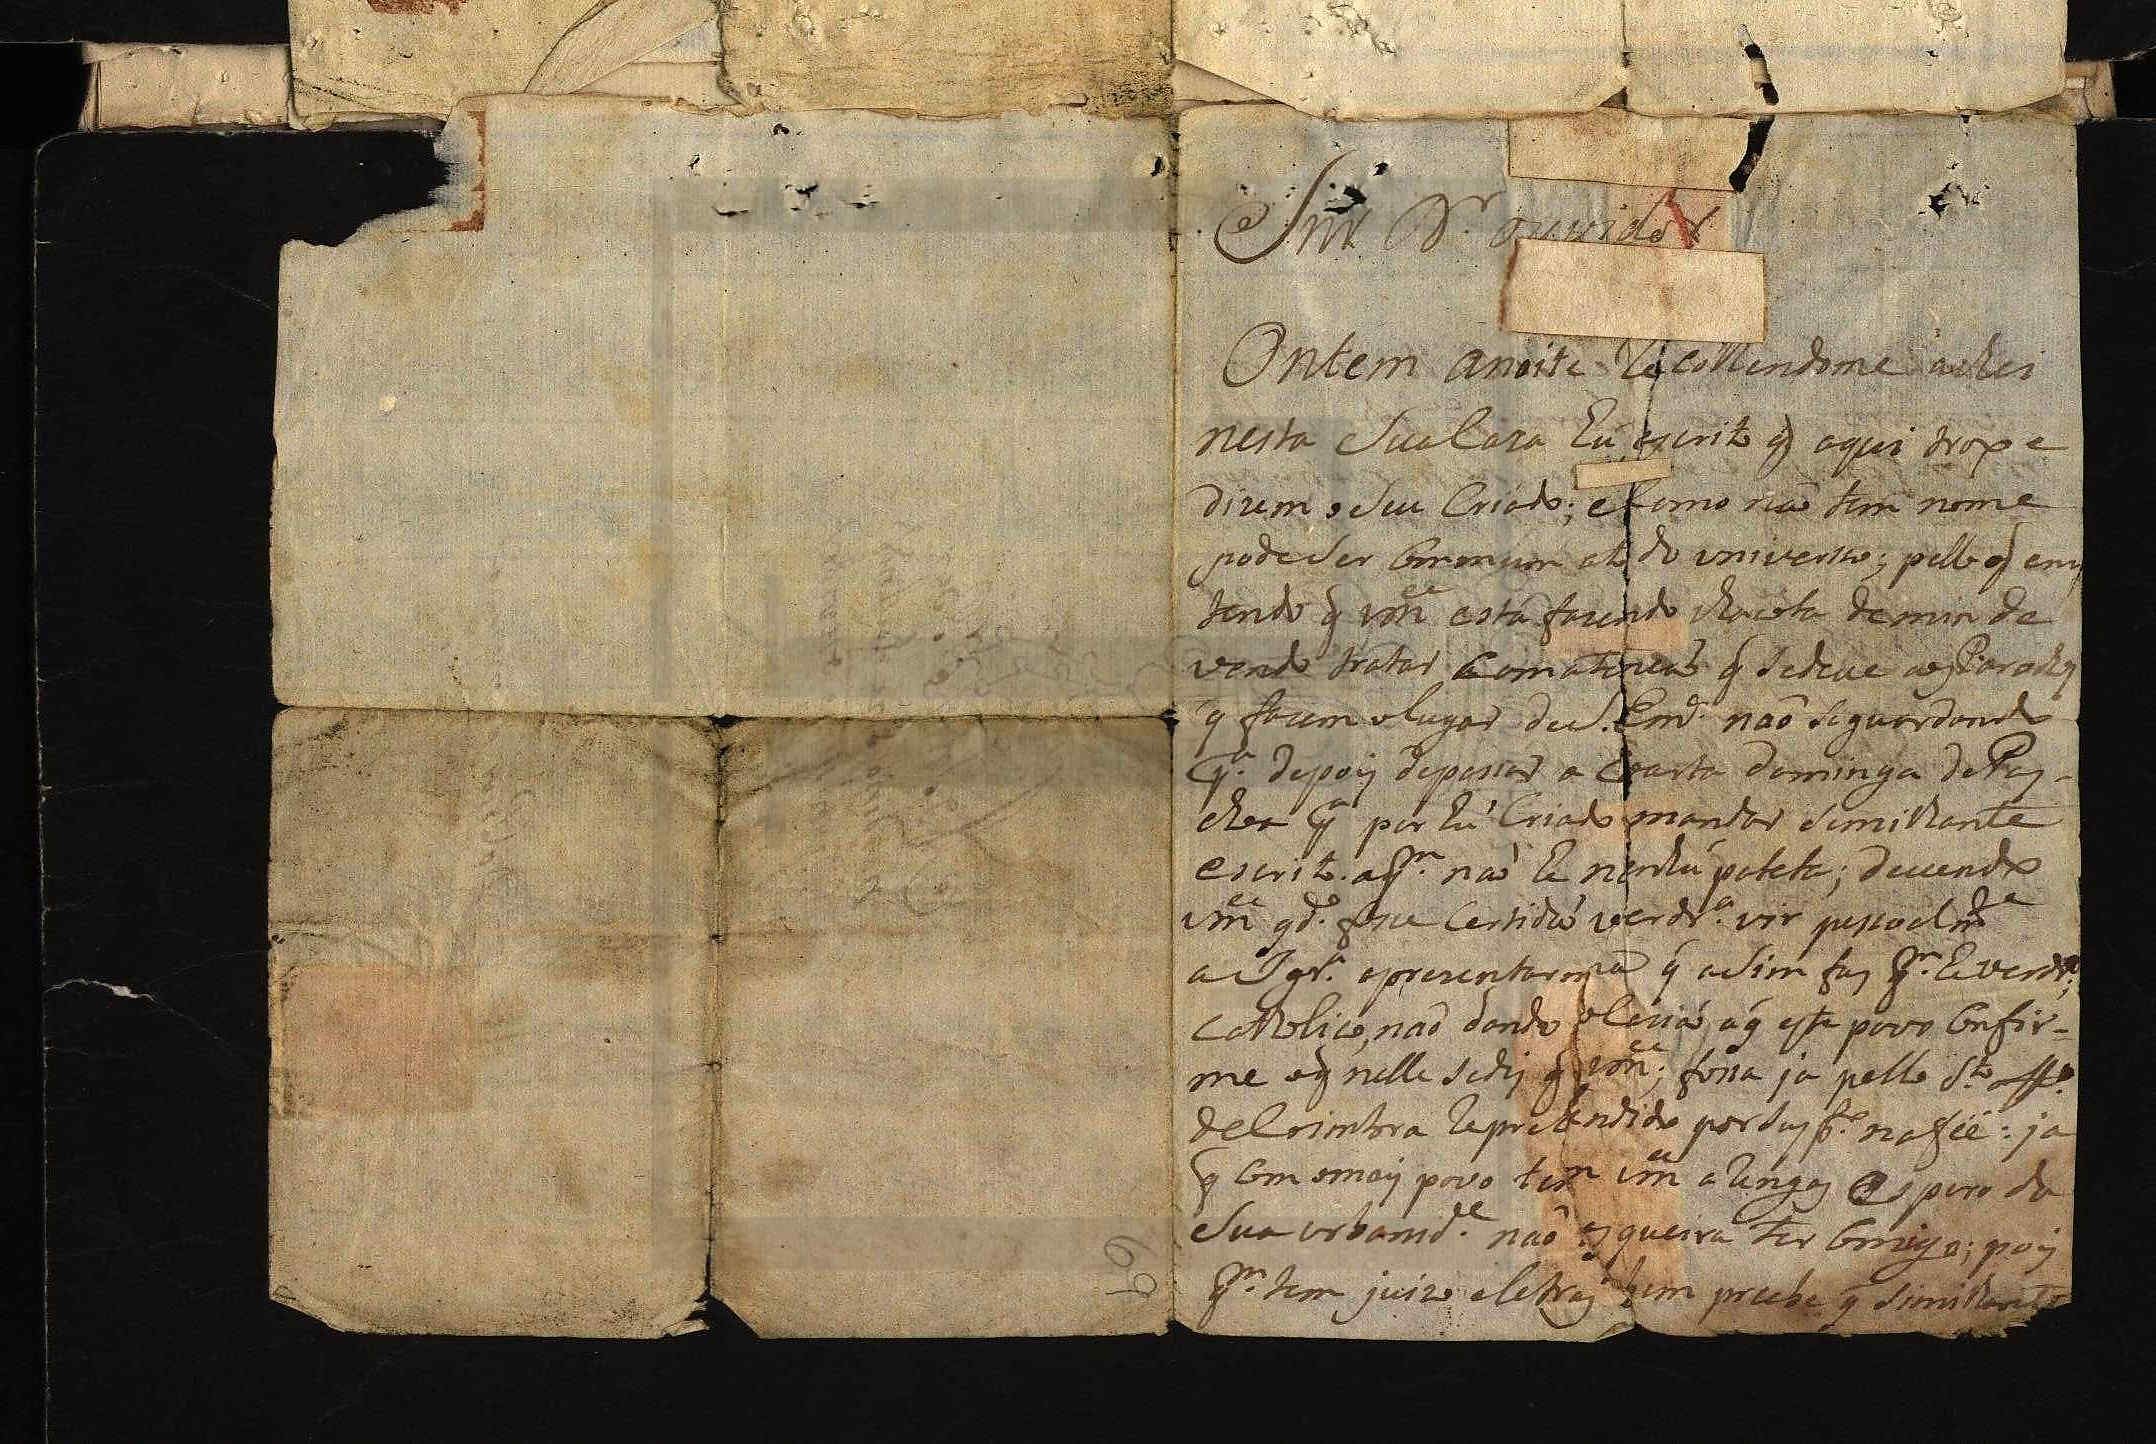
Snr̄ D.r ouvidor
Ontem a noite Recolhendome achei
nesta Sua Caza hū escrito q̄ aqui troxe
dizem o seu Criado, e Como naõ tem nome
pode ser commum a todo universso; pello q̄ em
tendo q̄ vmce está fazendo chacota de min de
vendo tratar com atençaõ q̄ se deue aos Parochos
q̄ fazem o lugar de S. Em.a naõ se guardando
p.a depois de passar a coarta dominga de Pas
choa pa por hū Criado mandar semilhante
escrito a q.m naõ he nenhū pateta; deuendo
vmce qd.o fosse certidaõ verdr.a vir pessoalm.te
a Igr.a aprezentarma q̄ asim fas qm. he verdr.o
catholico, naõ dando oCaziaõ a q̄ este povo Confir
me o q̄ nelle se dis q̄ vm.ce; fossa ja pello s.to off.o
de Coimbra Reprehendido por susp.to na féé: ja
q̄ com o mais povo tem vmce aRengos Espero da
sua urbanid.e naõ os queira ter Comigo; pois
q.m tem juizo; e letras bem prcebe q̄ similhante
